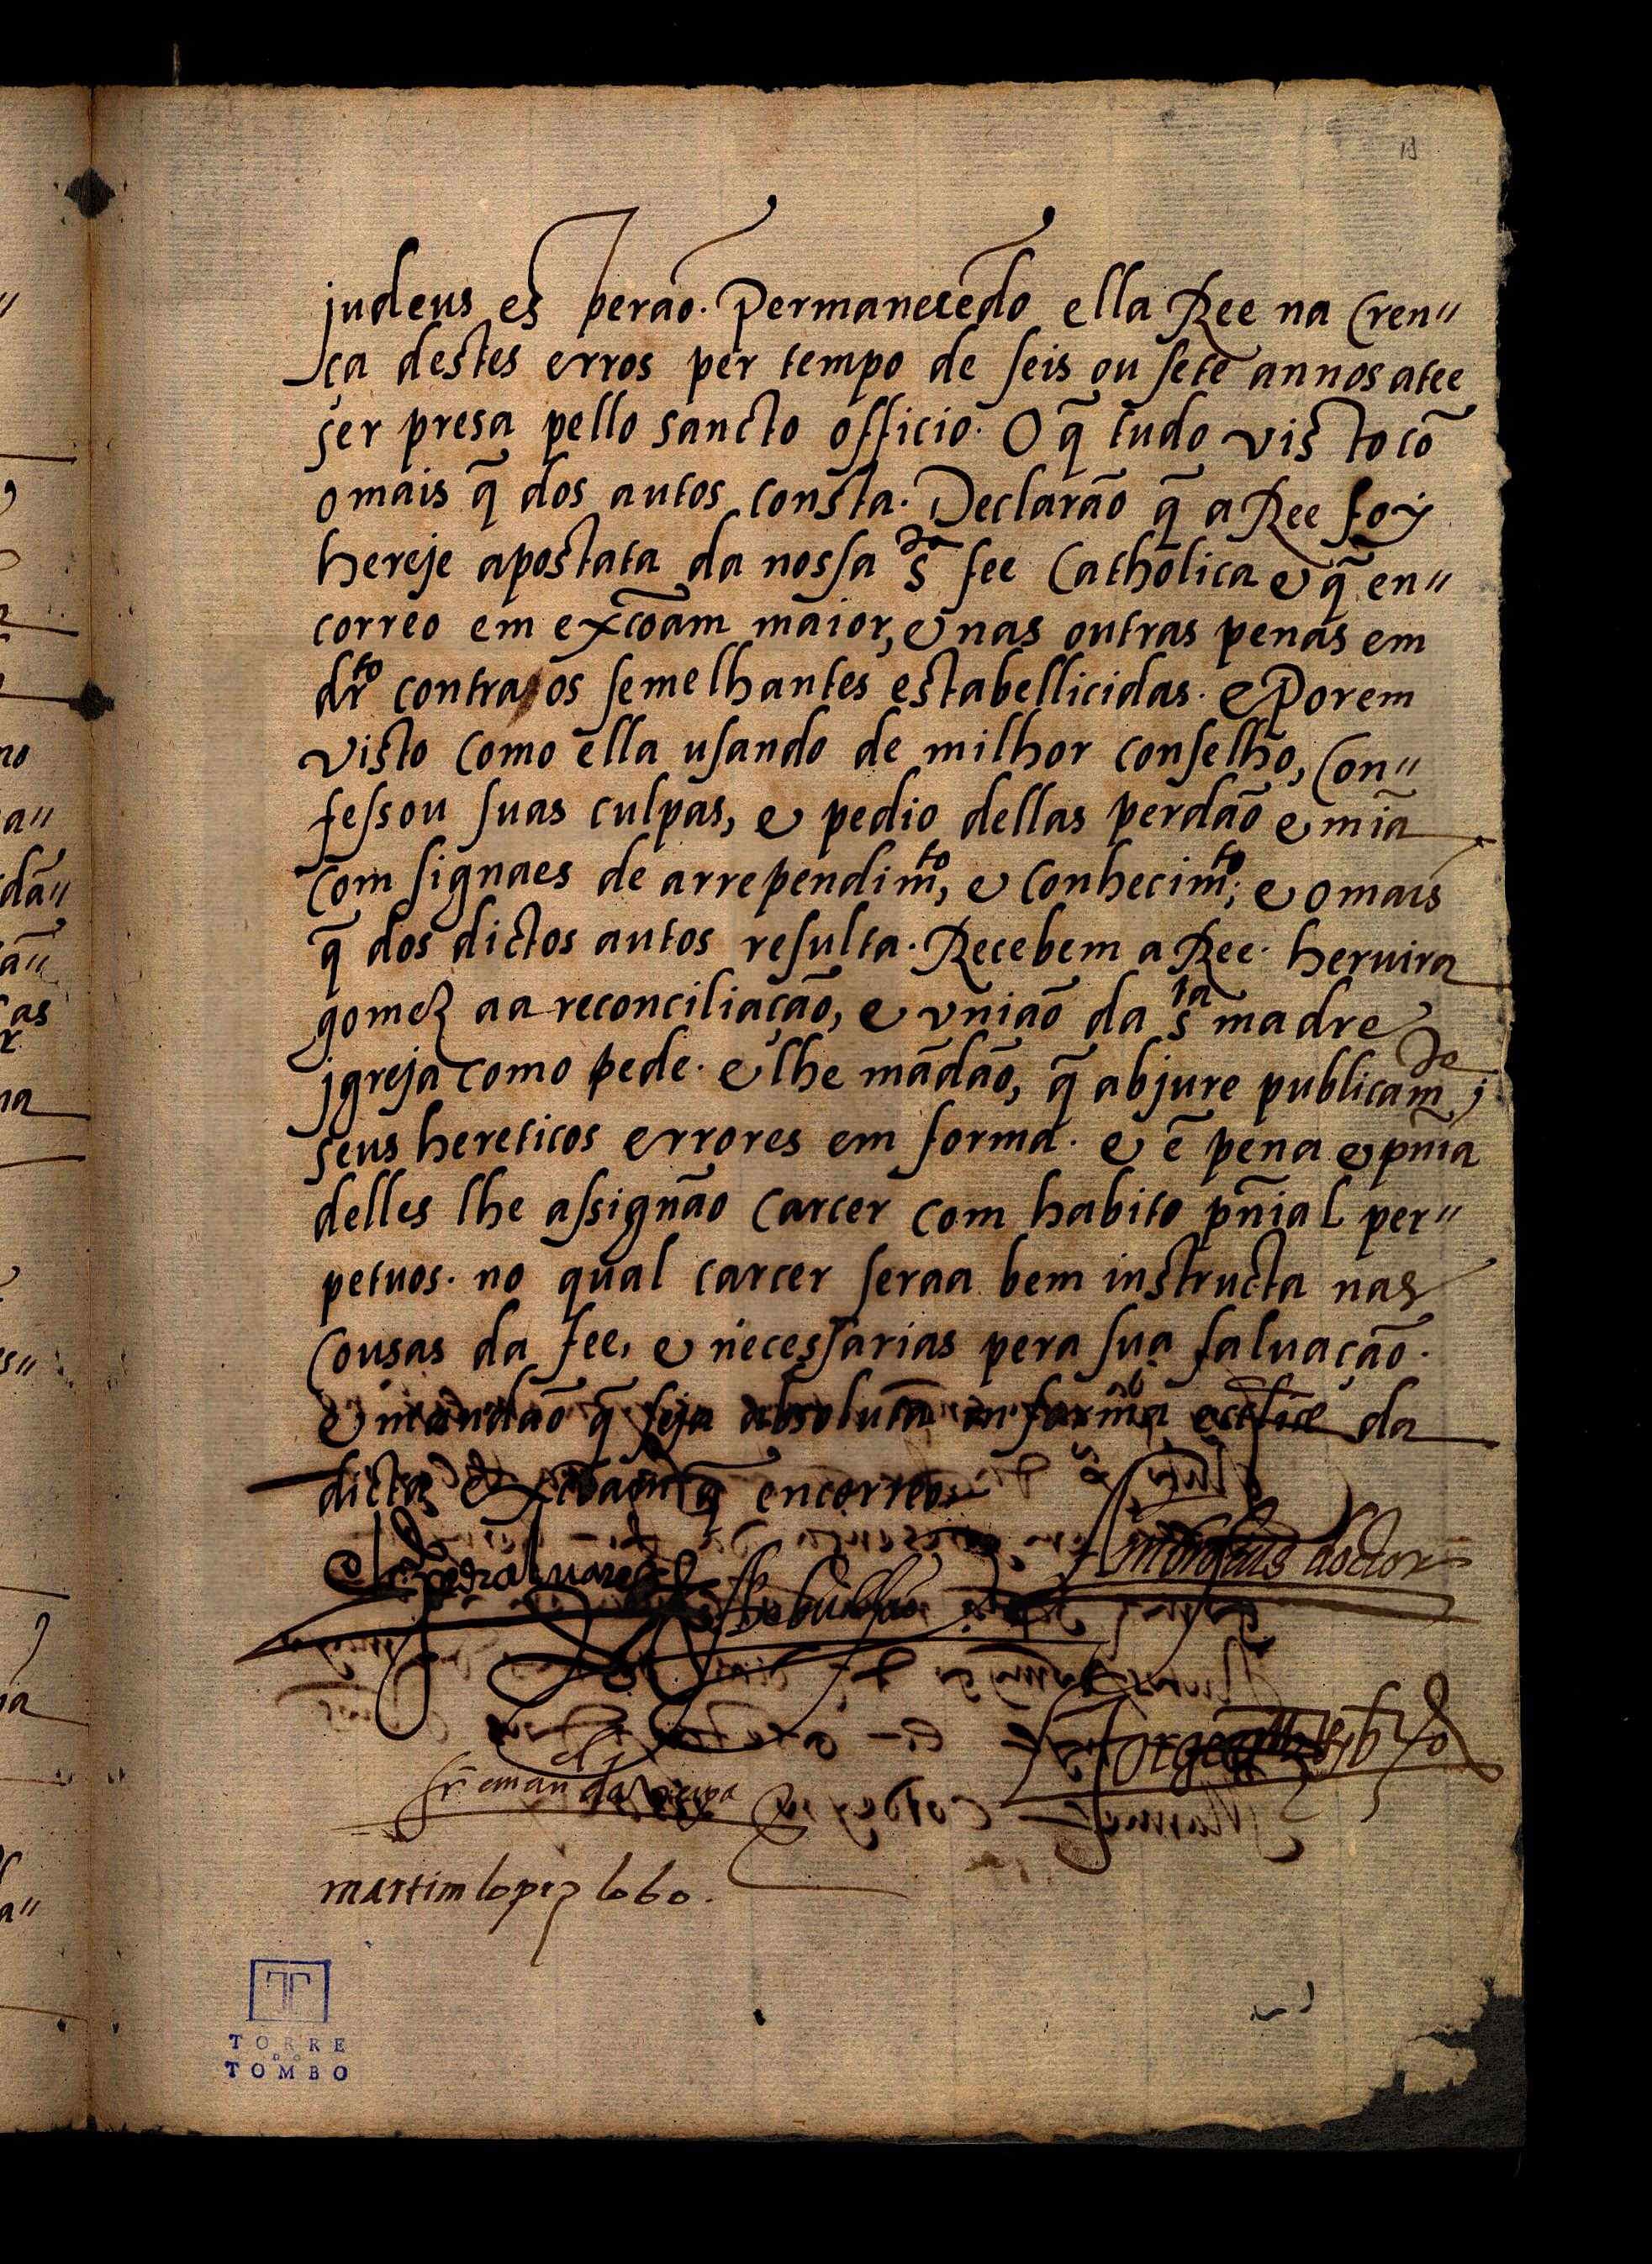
judeus esperaõ. Permanecēdo ella Ree na Cren
ça destes erros per tempo de seis ou sete annos atee
ser presa pello sancto officio. O q̄ tudo visto cō
o mais q̄ dos autos consta. Declarão q̄ a Ree foy
hereje apostata da nossa sta fee Catholica e q̄ en
correo em excōam maior, e nas outras penas em
drto contra os semelhantes estabellicidas. E Porem
visto como ella usando de milhor conselho, Con
fessou suas culpas, e pedio dellas perdaõ e mīa
com signaes de arrependimto, e conhecimto; e o mais
q̄ dos dictos autos resulta. Recebem a Ree. heruira
gomez aa reconciliaçaõ, e vniaõ da sta madre
jgreja como pede. e lhe mādaõ, q̄ abjure publicamte
seus hereticos errores em forma. e ē pena e pn̄ia
delles lhe assignão carcer com habito pn̄ial per
petuos. no qual carcer seraa bem instructa nas
Cousas da fee, e necessarias pera sua saluação.
e mandaõ q̄ seja absoluta en forma eccl̄iæ da
dicta excōam q̄ encorreo
